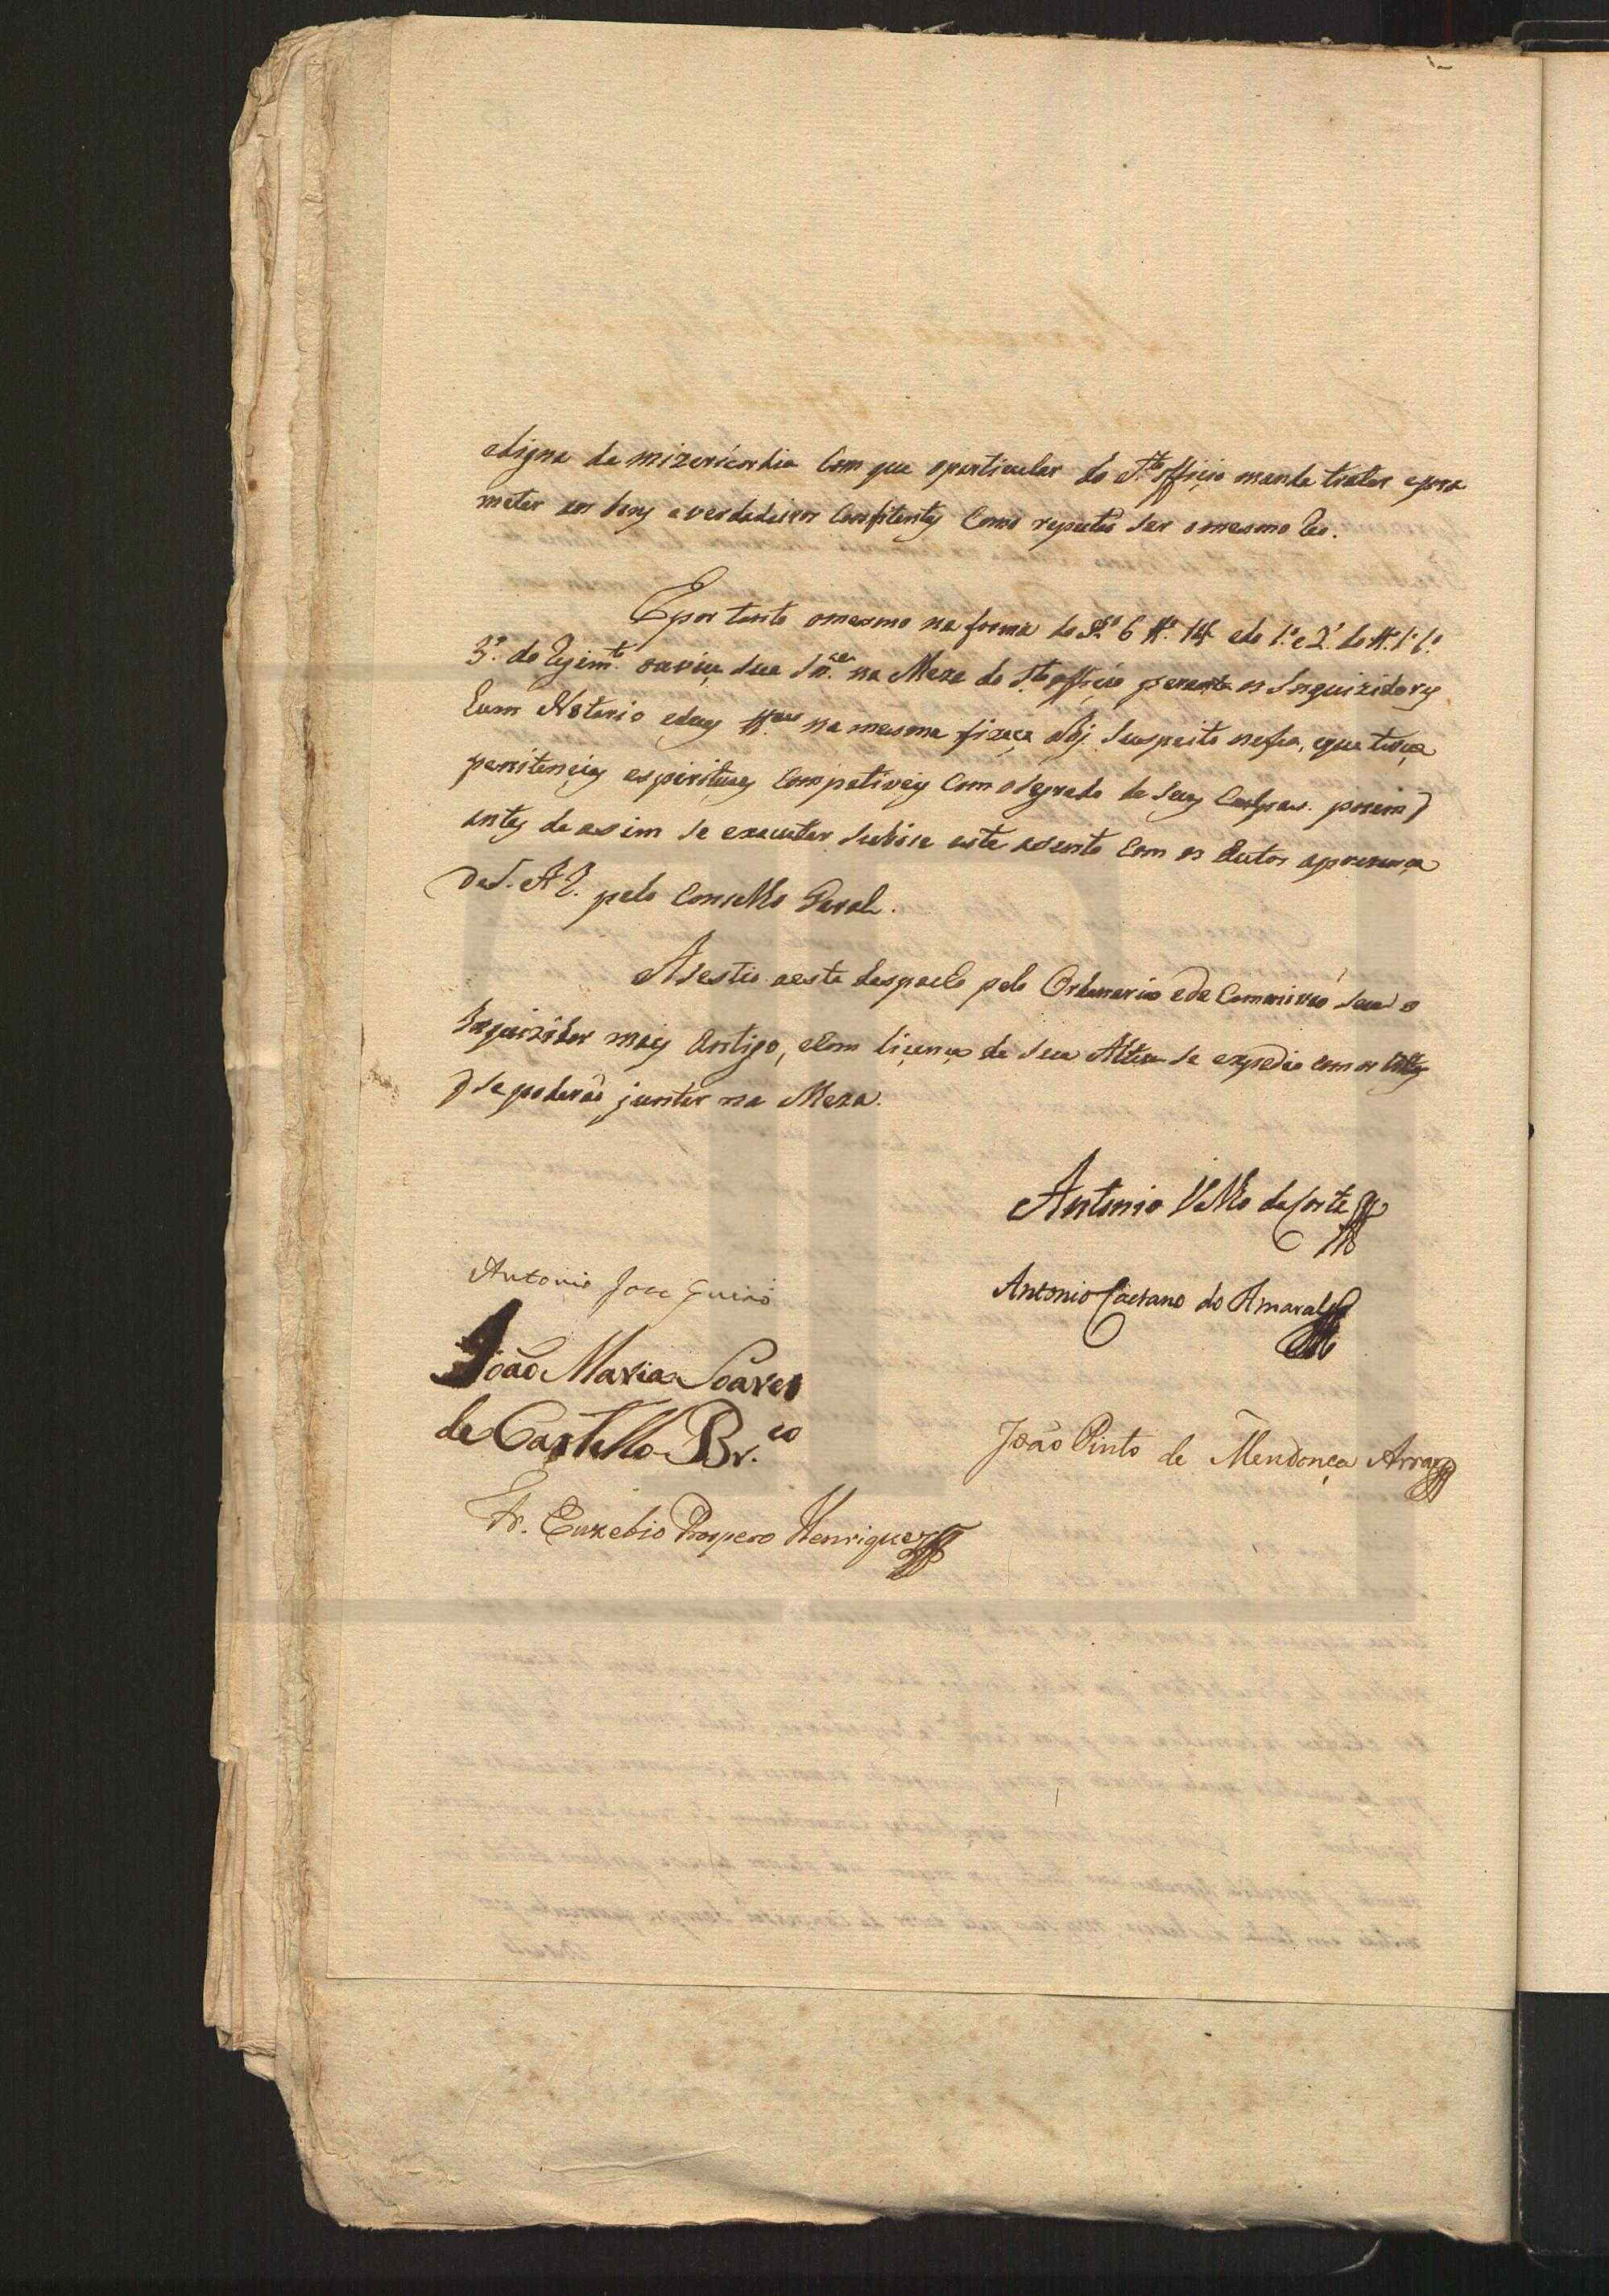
e digna da mizericordia Com que o particular do S.to officio mande tratar e pro
meter aos bons o verdadeiros Confitentes Como reputaõ ser o mesmo Reo.
E portanto o mesmo na forma do S.º 6 tt.o 14 e do 1.o e 2.o do tt.o 1.º 6.º
3.º do Regim.to ouvice sua sn.ca na Meza do S.to officio perante os Inquizidores
hum Notario e duas tt.as na mesma fizeca ahj suspeito nessa, que tevece
penitencias espirituaes compativeis com o segredo de suas Culpas. porem q̄
antes de asim se executar subise este asento com os Autos a prezença
de S. A R. pelo conselho geral.
Asestio a este despacho pelo Ordinario e de Commisaõ sua o
Inquizidor mais antigo, e com Licença de sua Altesa se expedio com os Auttos
q̄ se poderaõ juntar na Meza.
Antonio Joze Guiaõ
Ioaõ Maria Soares
de Castello Br.co
Fr. Eusebio Prospero Henriques
Antonio Velho da Costa
Antonio Caetano do Amaral
João Pinto de Mendonça Arraes
